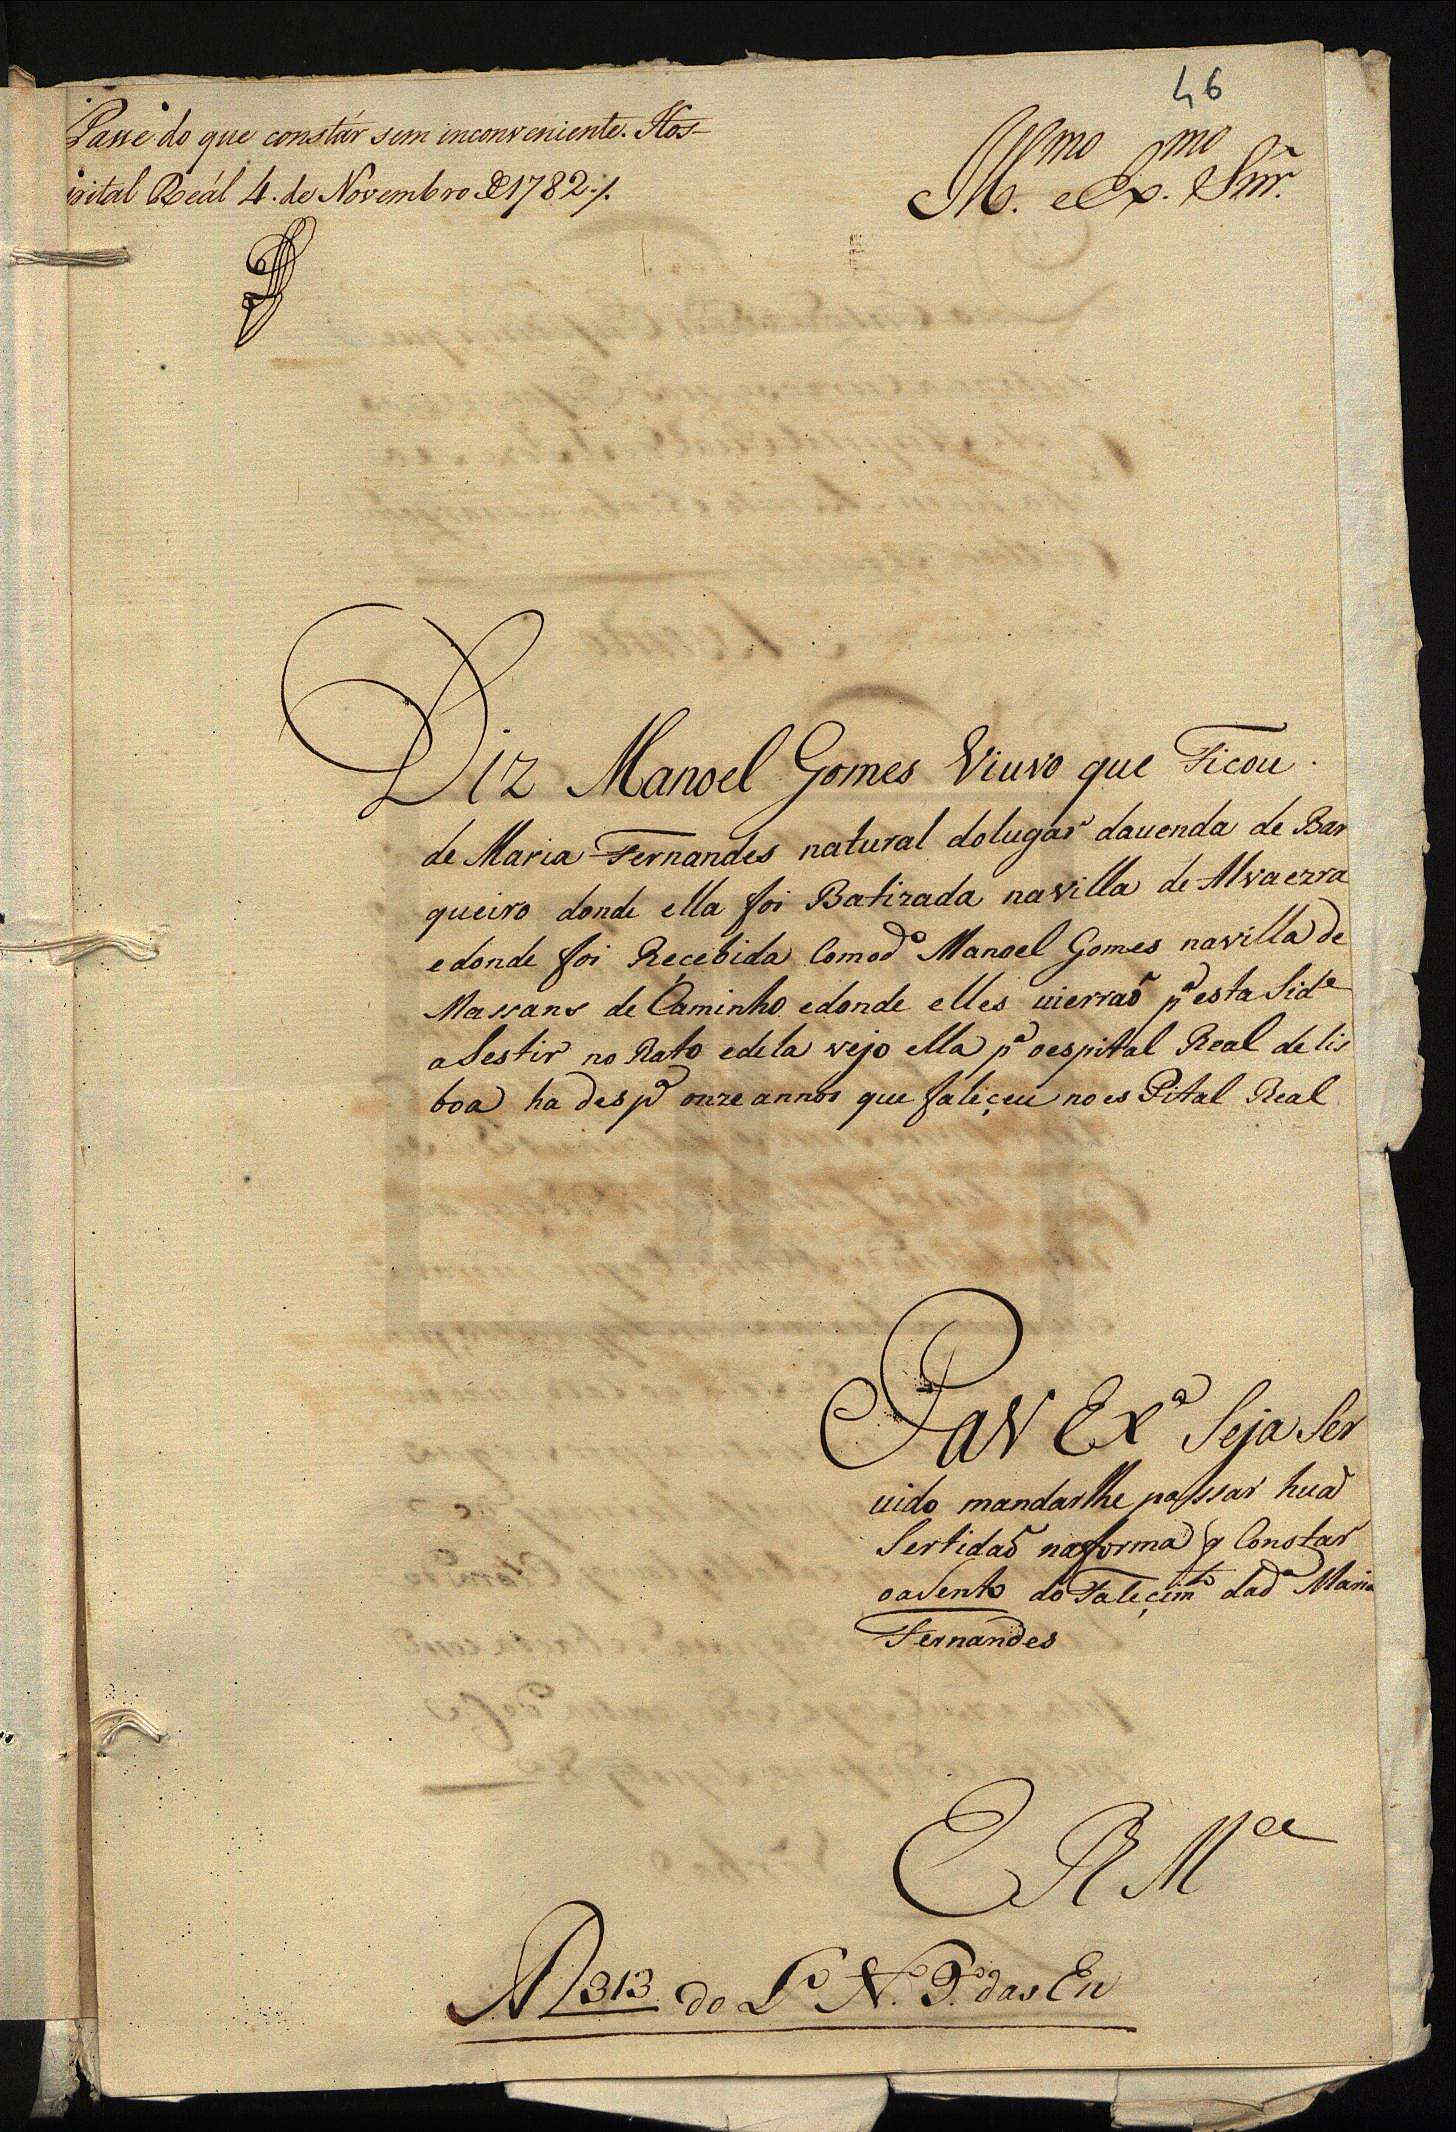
Passe do que constár sem inconveniente. Hos
pital Reál 4. de Novembro d̄ 1782./.
Ill.mo e Ex.mo Snr̄.
Diz Manoel Gomes Viuvo que Ficou
de Maria Fernandes natural do lugar da uenda de Bar
queiro donde ella foi Batizada na villa de Alvaezra
e donde foi Recebida com o d.o Manoel Gomes na villa de
Massans de Caminho e donde elles uierraõ p.a esta Sid.e
aSestir no Rato e dela vejo ella p.a o espital Real de lis
boa ha des p.a onze annos que faleceu no esPital Real
P a V Ex.a Seja ser
uido mandarlhe passar huā
sertidaõ na forma q̄ Constar
o asento do Falecim.to da d.a Maria
Fernandes
E R Mce
R313 do L.o N.o 9.o das En
